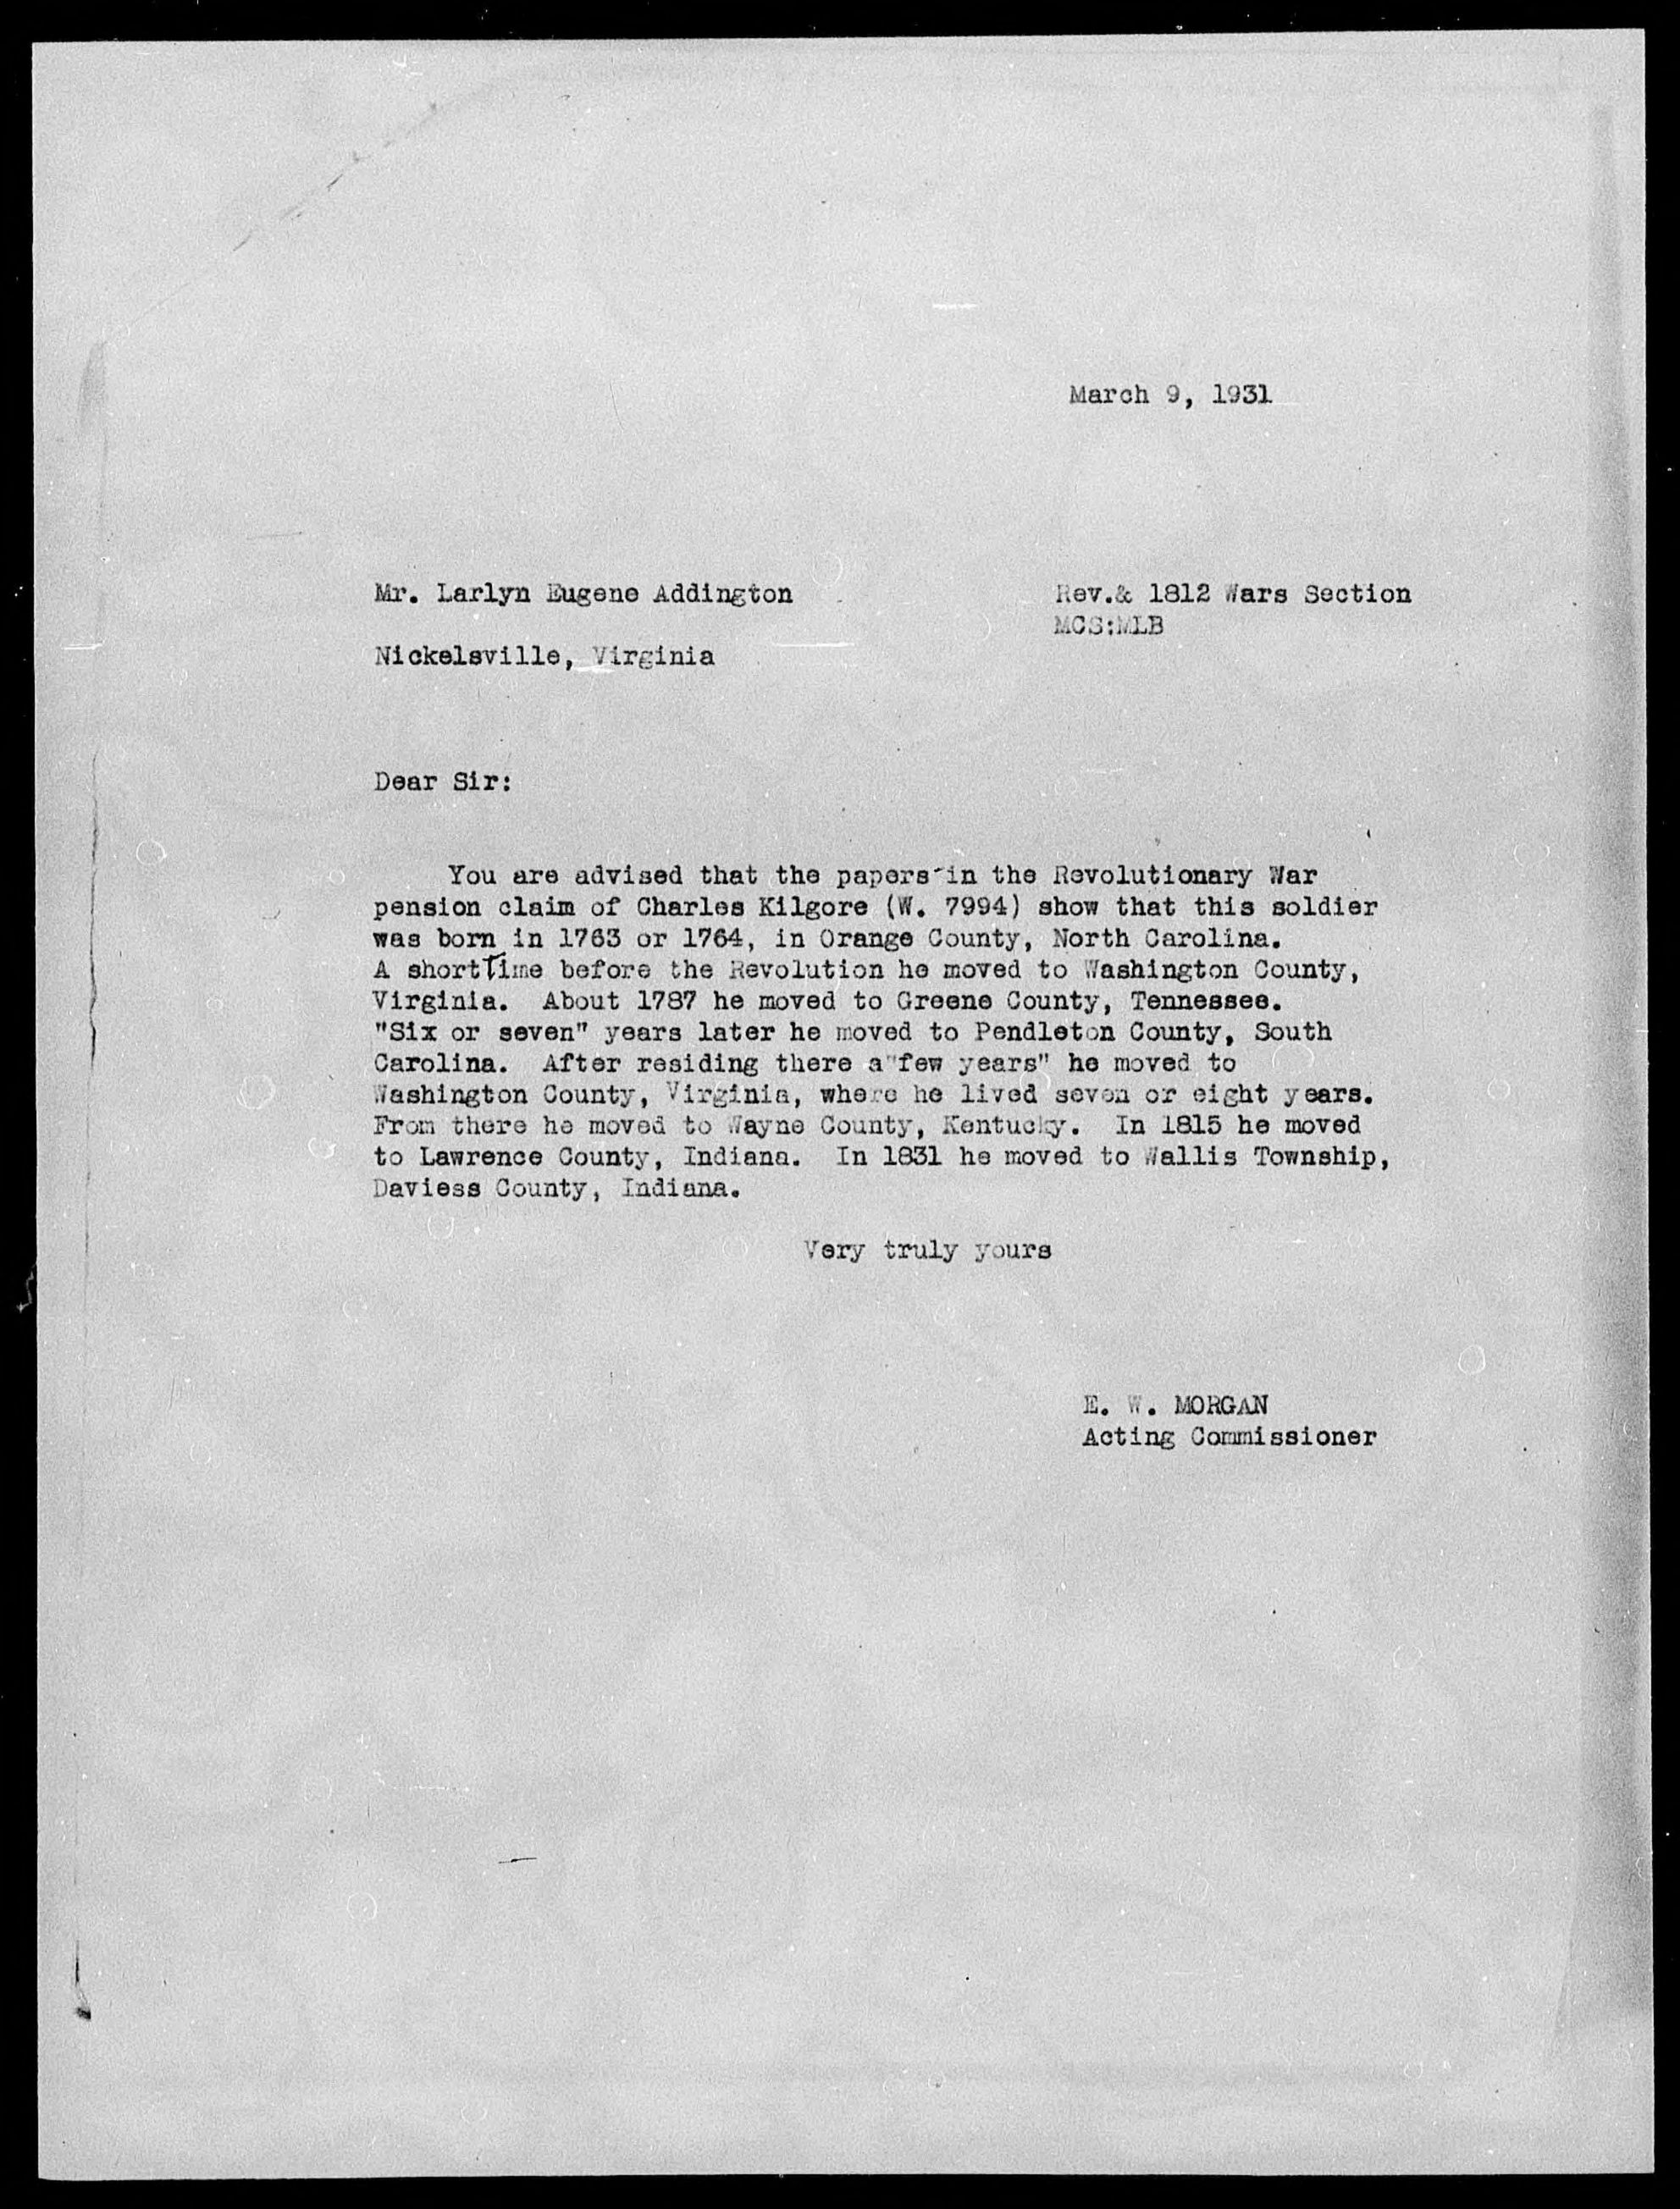March 9, 1931
Rev.& 1812 Wars Section
MCS:MLB

Mr. Larlyn Eugene Addington
Nickelsville, Virginia

Dear Sir:
You are advised that the papers in the Revolutionary War pension claim of Charles Kilgore (W. 7994) show that this soldier was born in 1763 or 1764, in Orange County, North Carolina. A short time before the Revolution he moved to Washington County, Virginia. About 1787 he moved to Greene County, Tennessee. "Six or seven" years later he moved to Pendleton County, South Carolina. After residing there a "few years" he moved to Washington County, Virginia, where he lived seven or eight years. From there he moved to Wayne County, Kentucky. In 1815 he moved to Lawrence County, Indiana. In 1831 he moved to Wallis Township, Daviess County, Indiana.
Very truly yours
E. W. MORGAN
Acting Commissioner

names: E W Morgan; Larlyn Eugene Addington; Charles Kilgore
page: 22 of 115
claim: survivor's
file: S. 699, for Charles Kilgore, Virginia